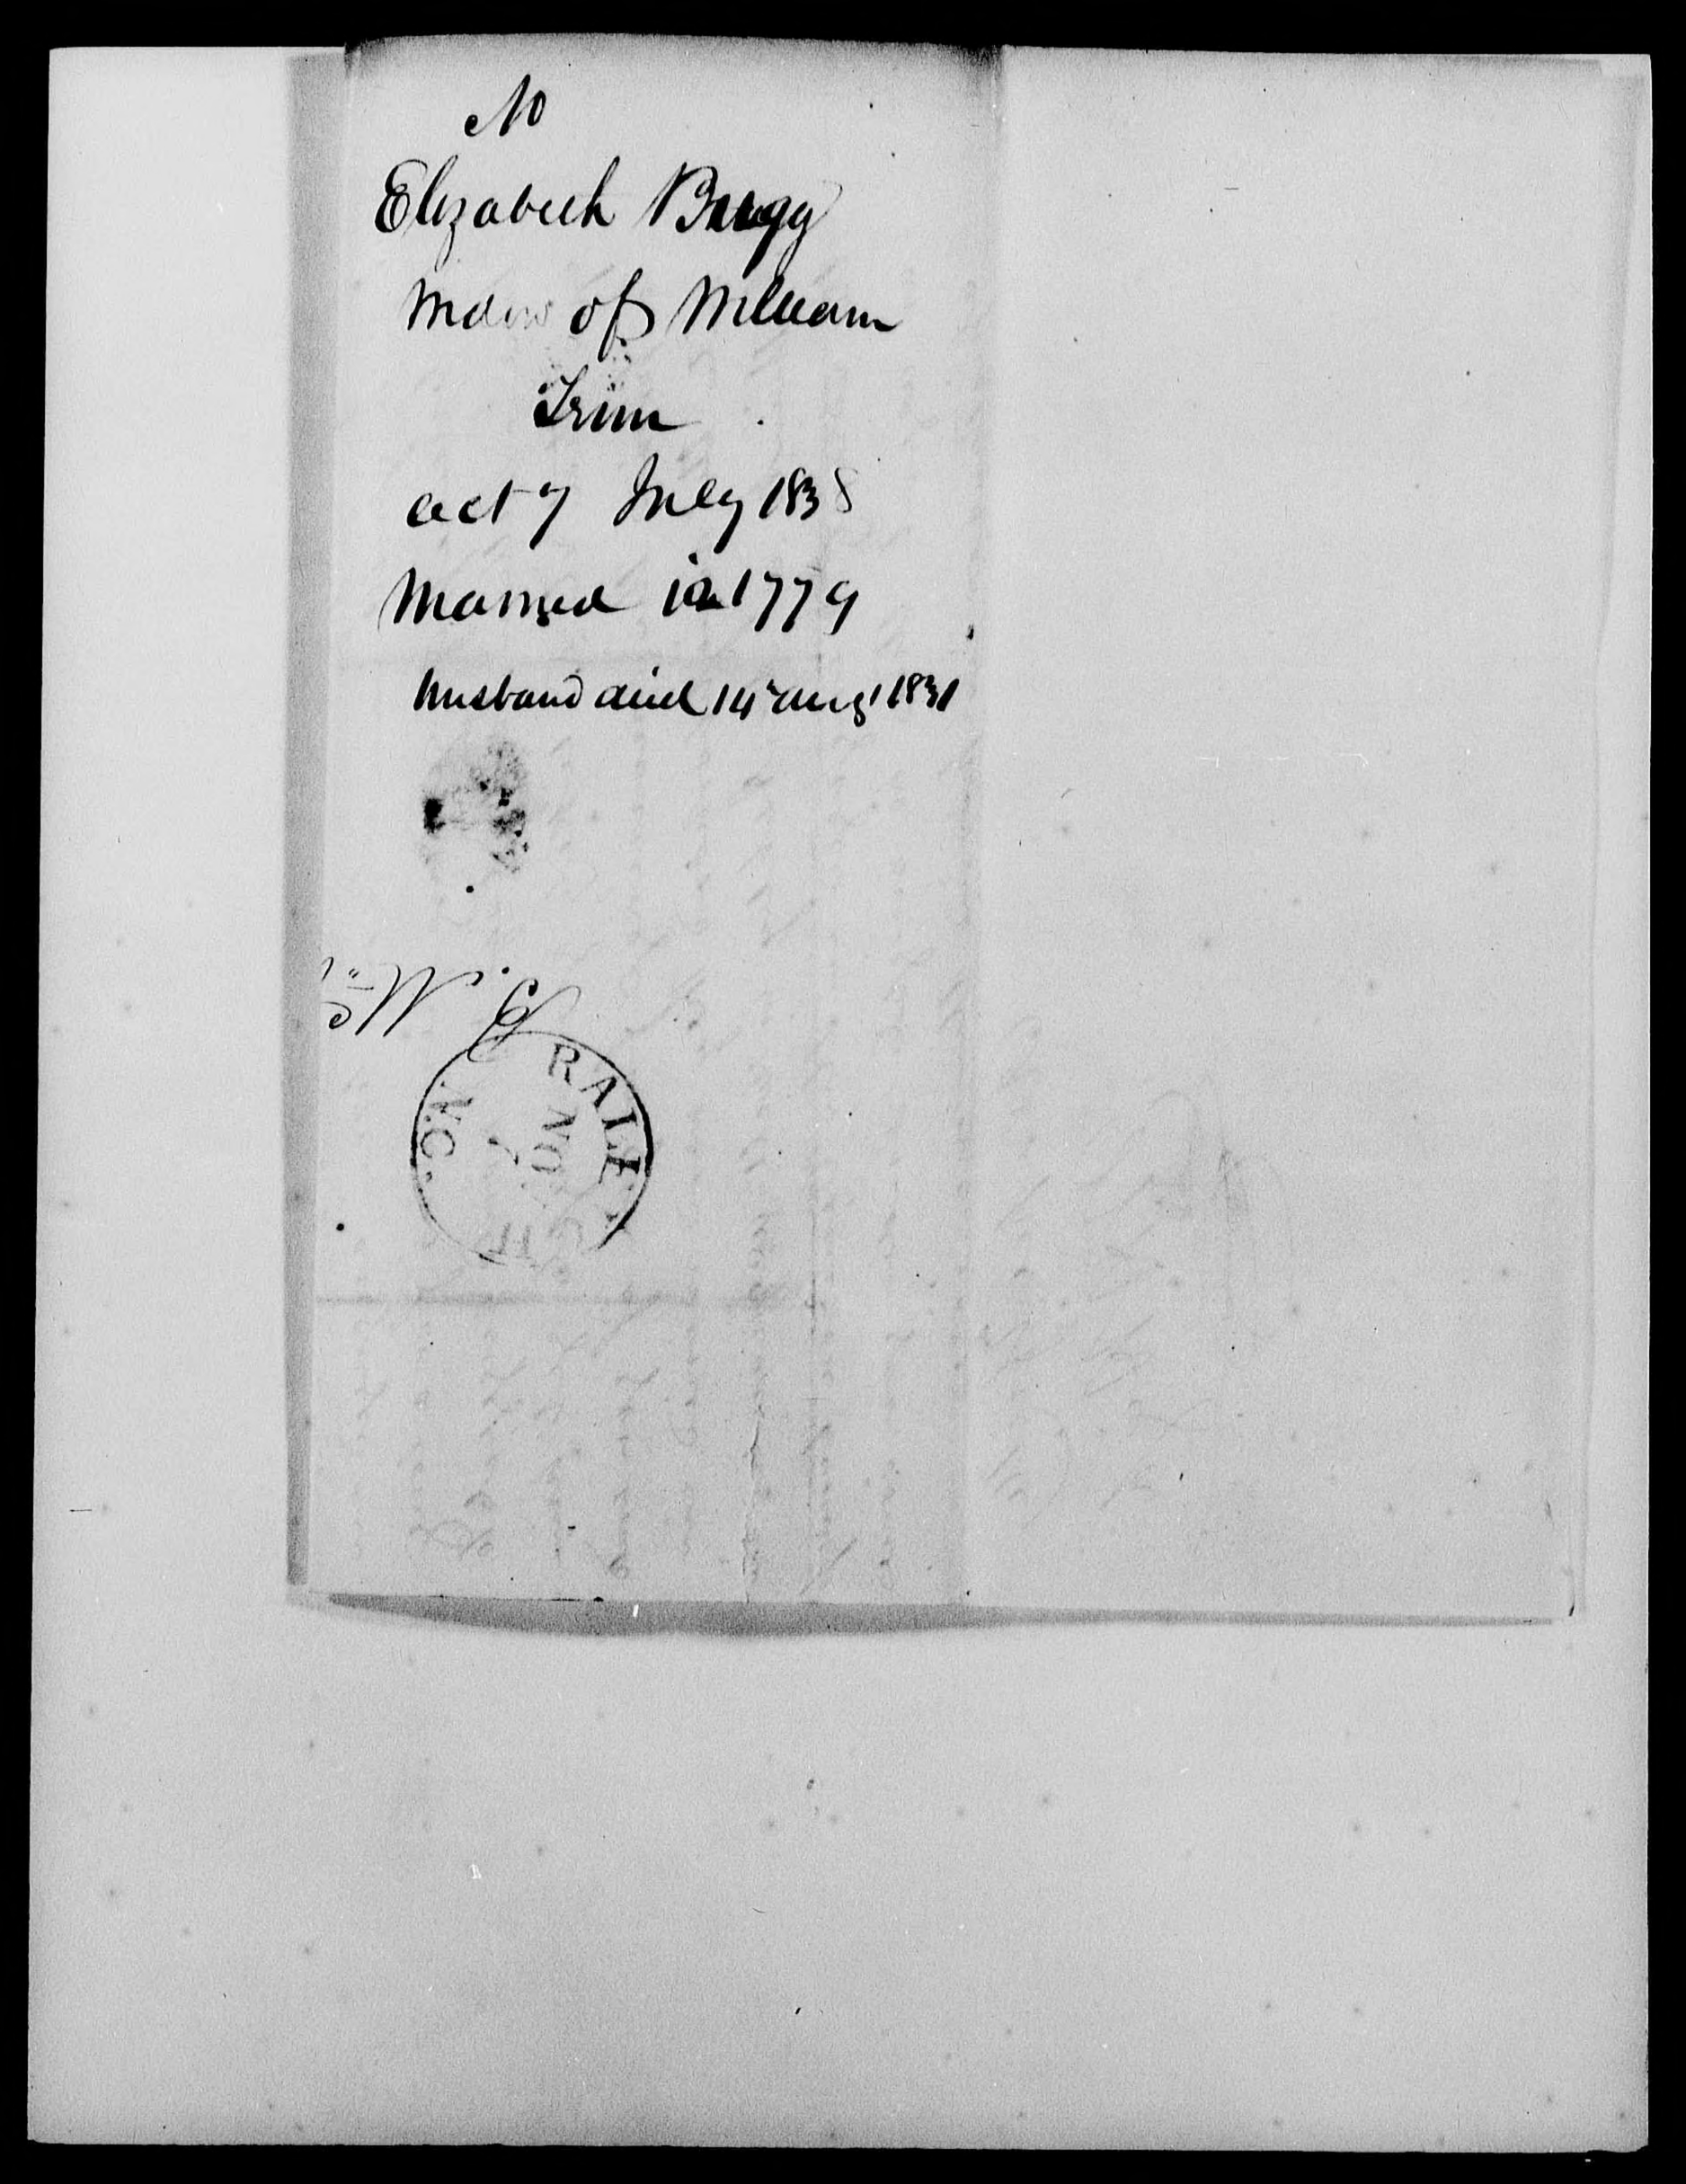No [This may have meant Number. It is blank afterward on that line.]
Elizabeth Bugg [The surname was overwritten to say Bugg. It's difficult to say for certain what the initial spelling was, but it possibly may have been Brig or Brigg.]
widow of William
Tenn [Tennessee]
act 7 July 1838
married in 1779
husband died 14 Augt [or possibly May] 1831 

[Below on the left side of the page, is a partial handwritten inscription, "B. Mc-" which was cut off at the edge of the page. Below that is a round imprint with "Raleigh No 7 N.C." inside.]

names: William Bugg, Elizabeth Bugg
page: 38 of 50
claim: widow's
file: W. 898, William Bugg, N.C.